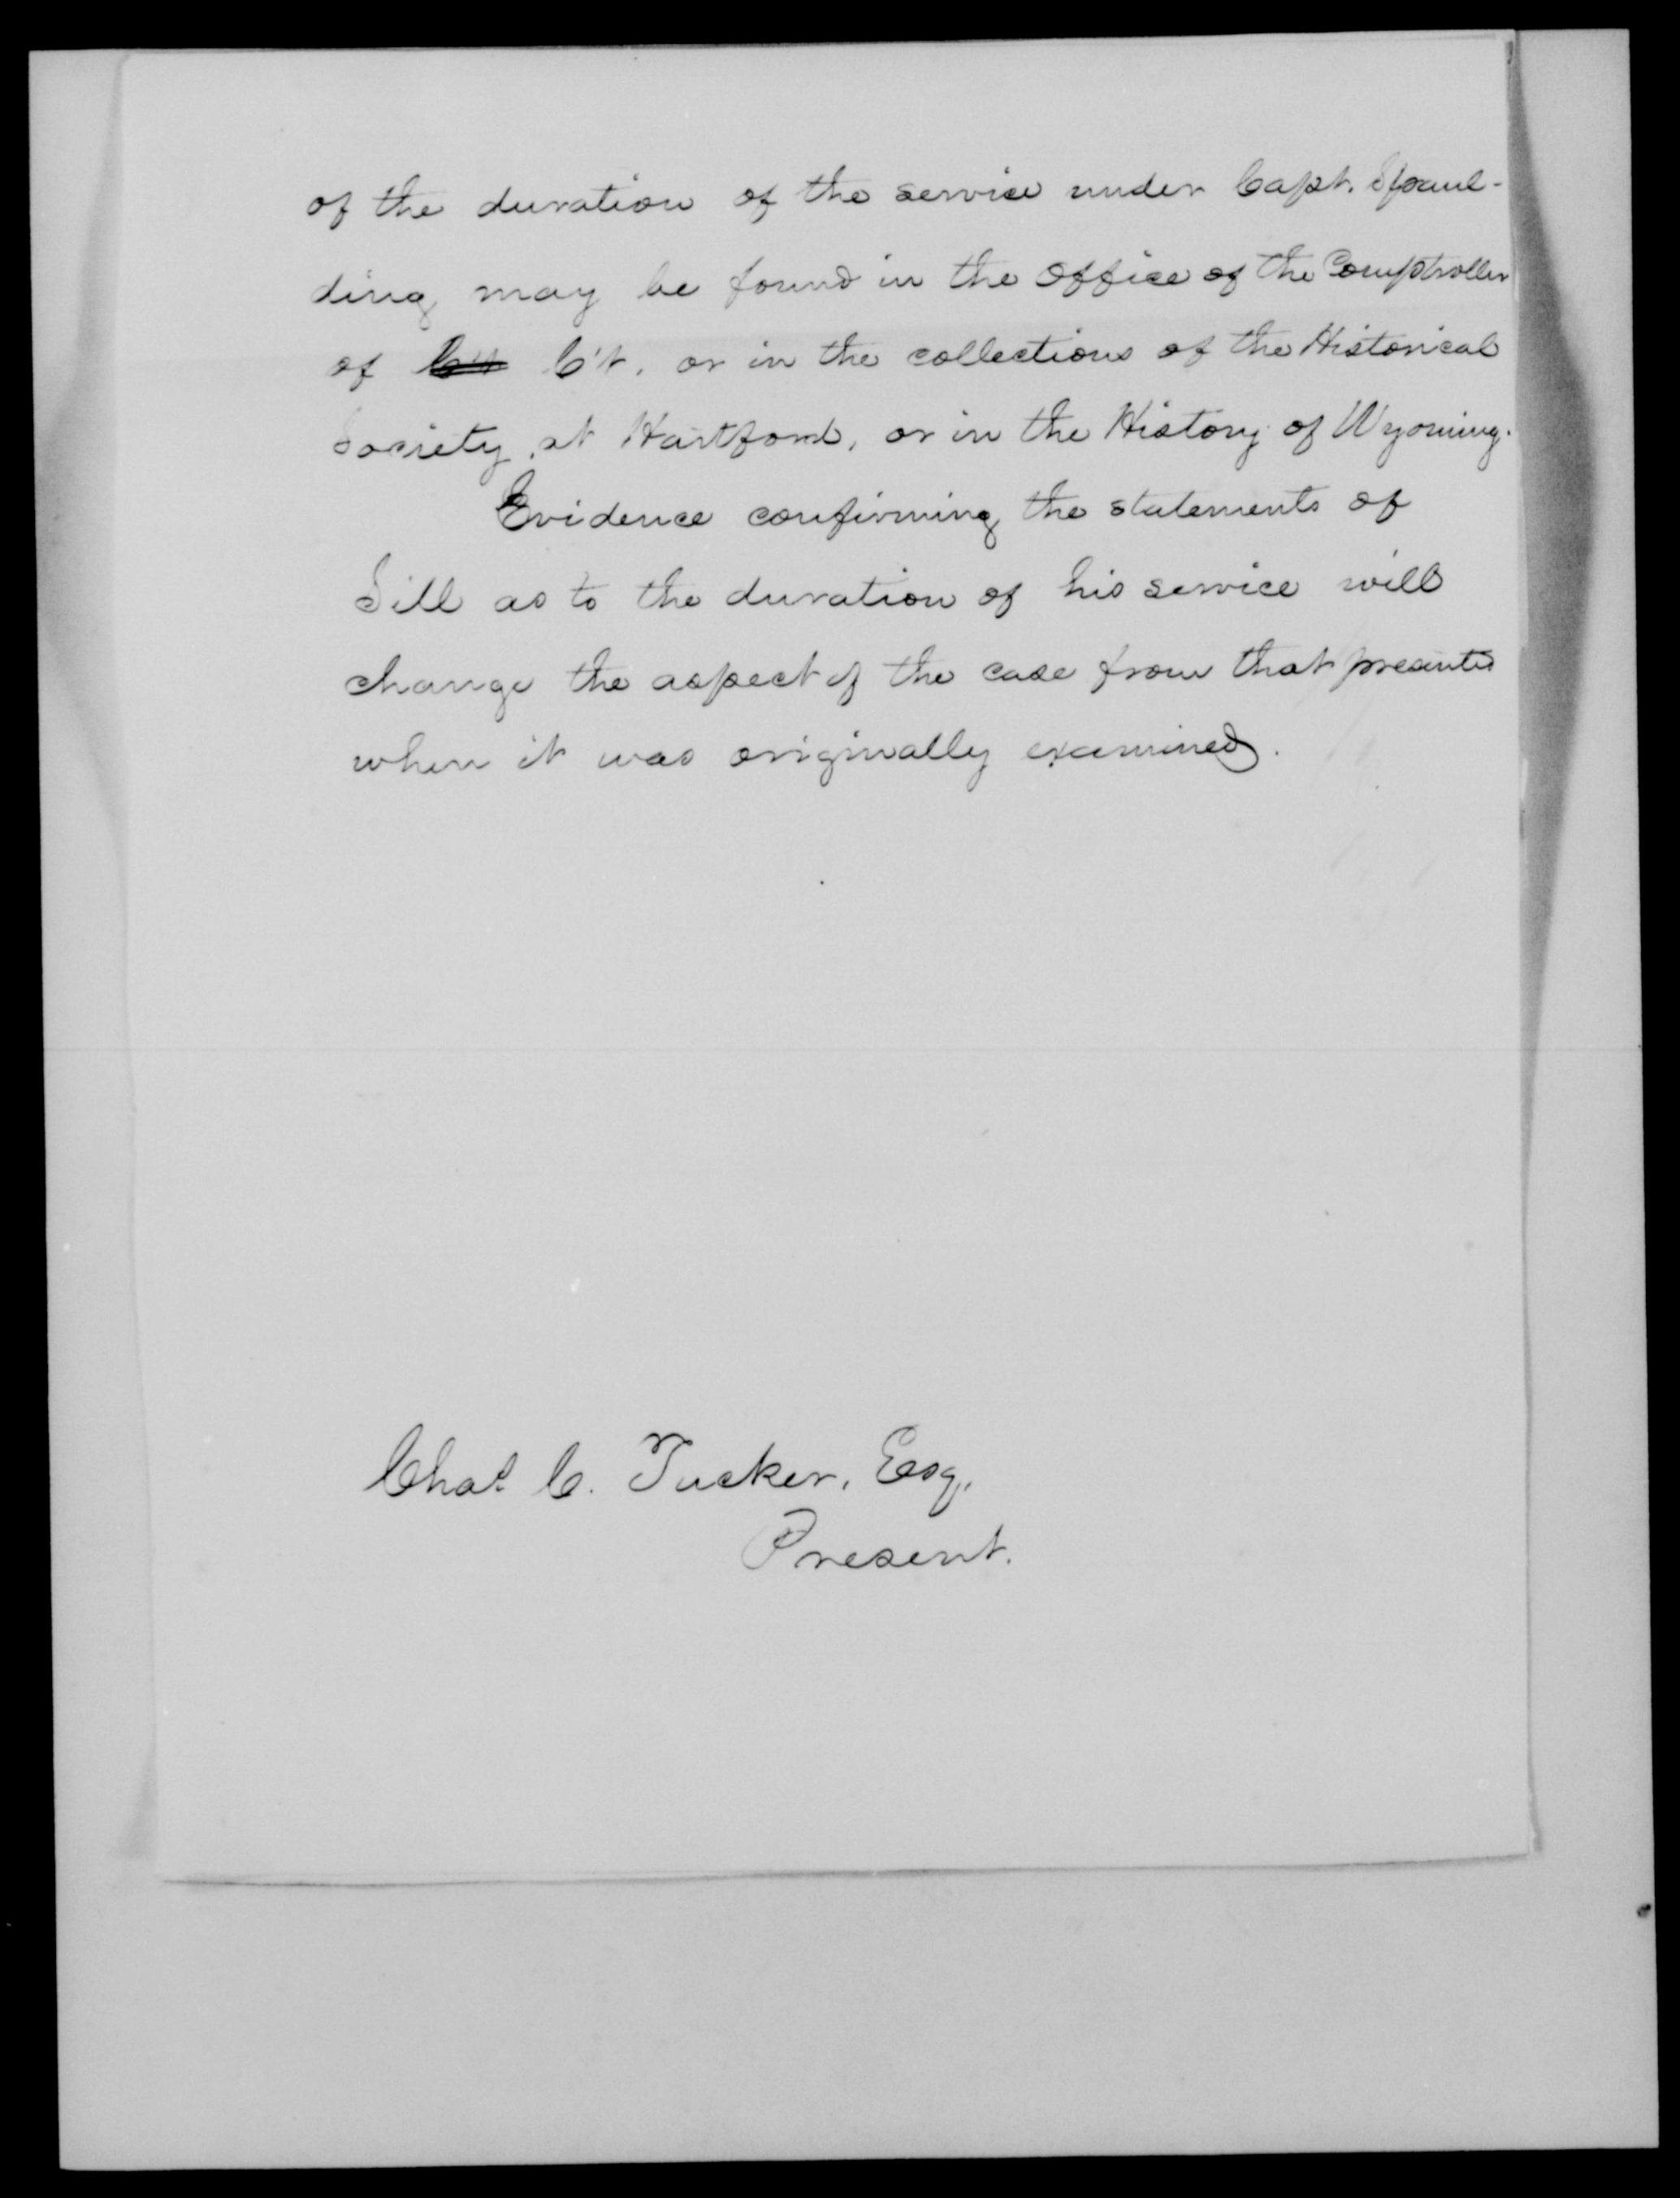of the duration of the service under Capt. Spaulding may be found in the Office of the Comptroller of C't, or in the collections of the Historical Society at Hartford, or in the History of Wyoming.

Evidence confirming the statements of Sill as to the duration of his service will change the aspect of the case from that presented when it was originally examined.

Chas. C. Tucker, Esq.
Present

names: Chas C Tucker; [BLANK] Sill; [BLANK] Spaulding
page: 24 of 29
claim: rejected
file: R. 9570, for Jabez Sill, Connecticut